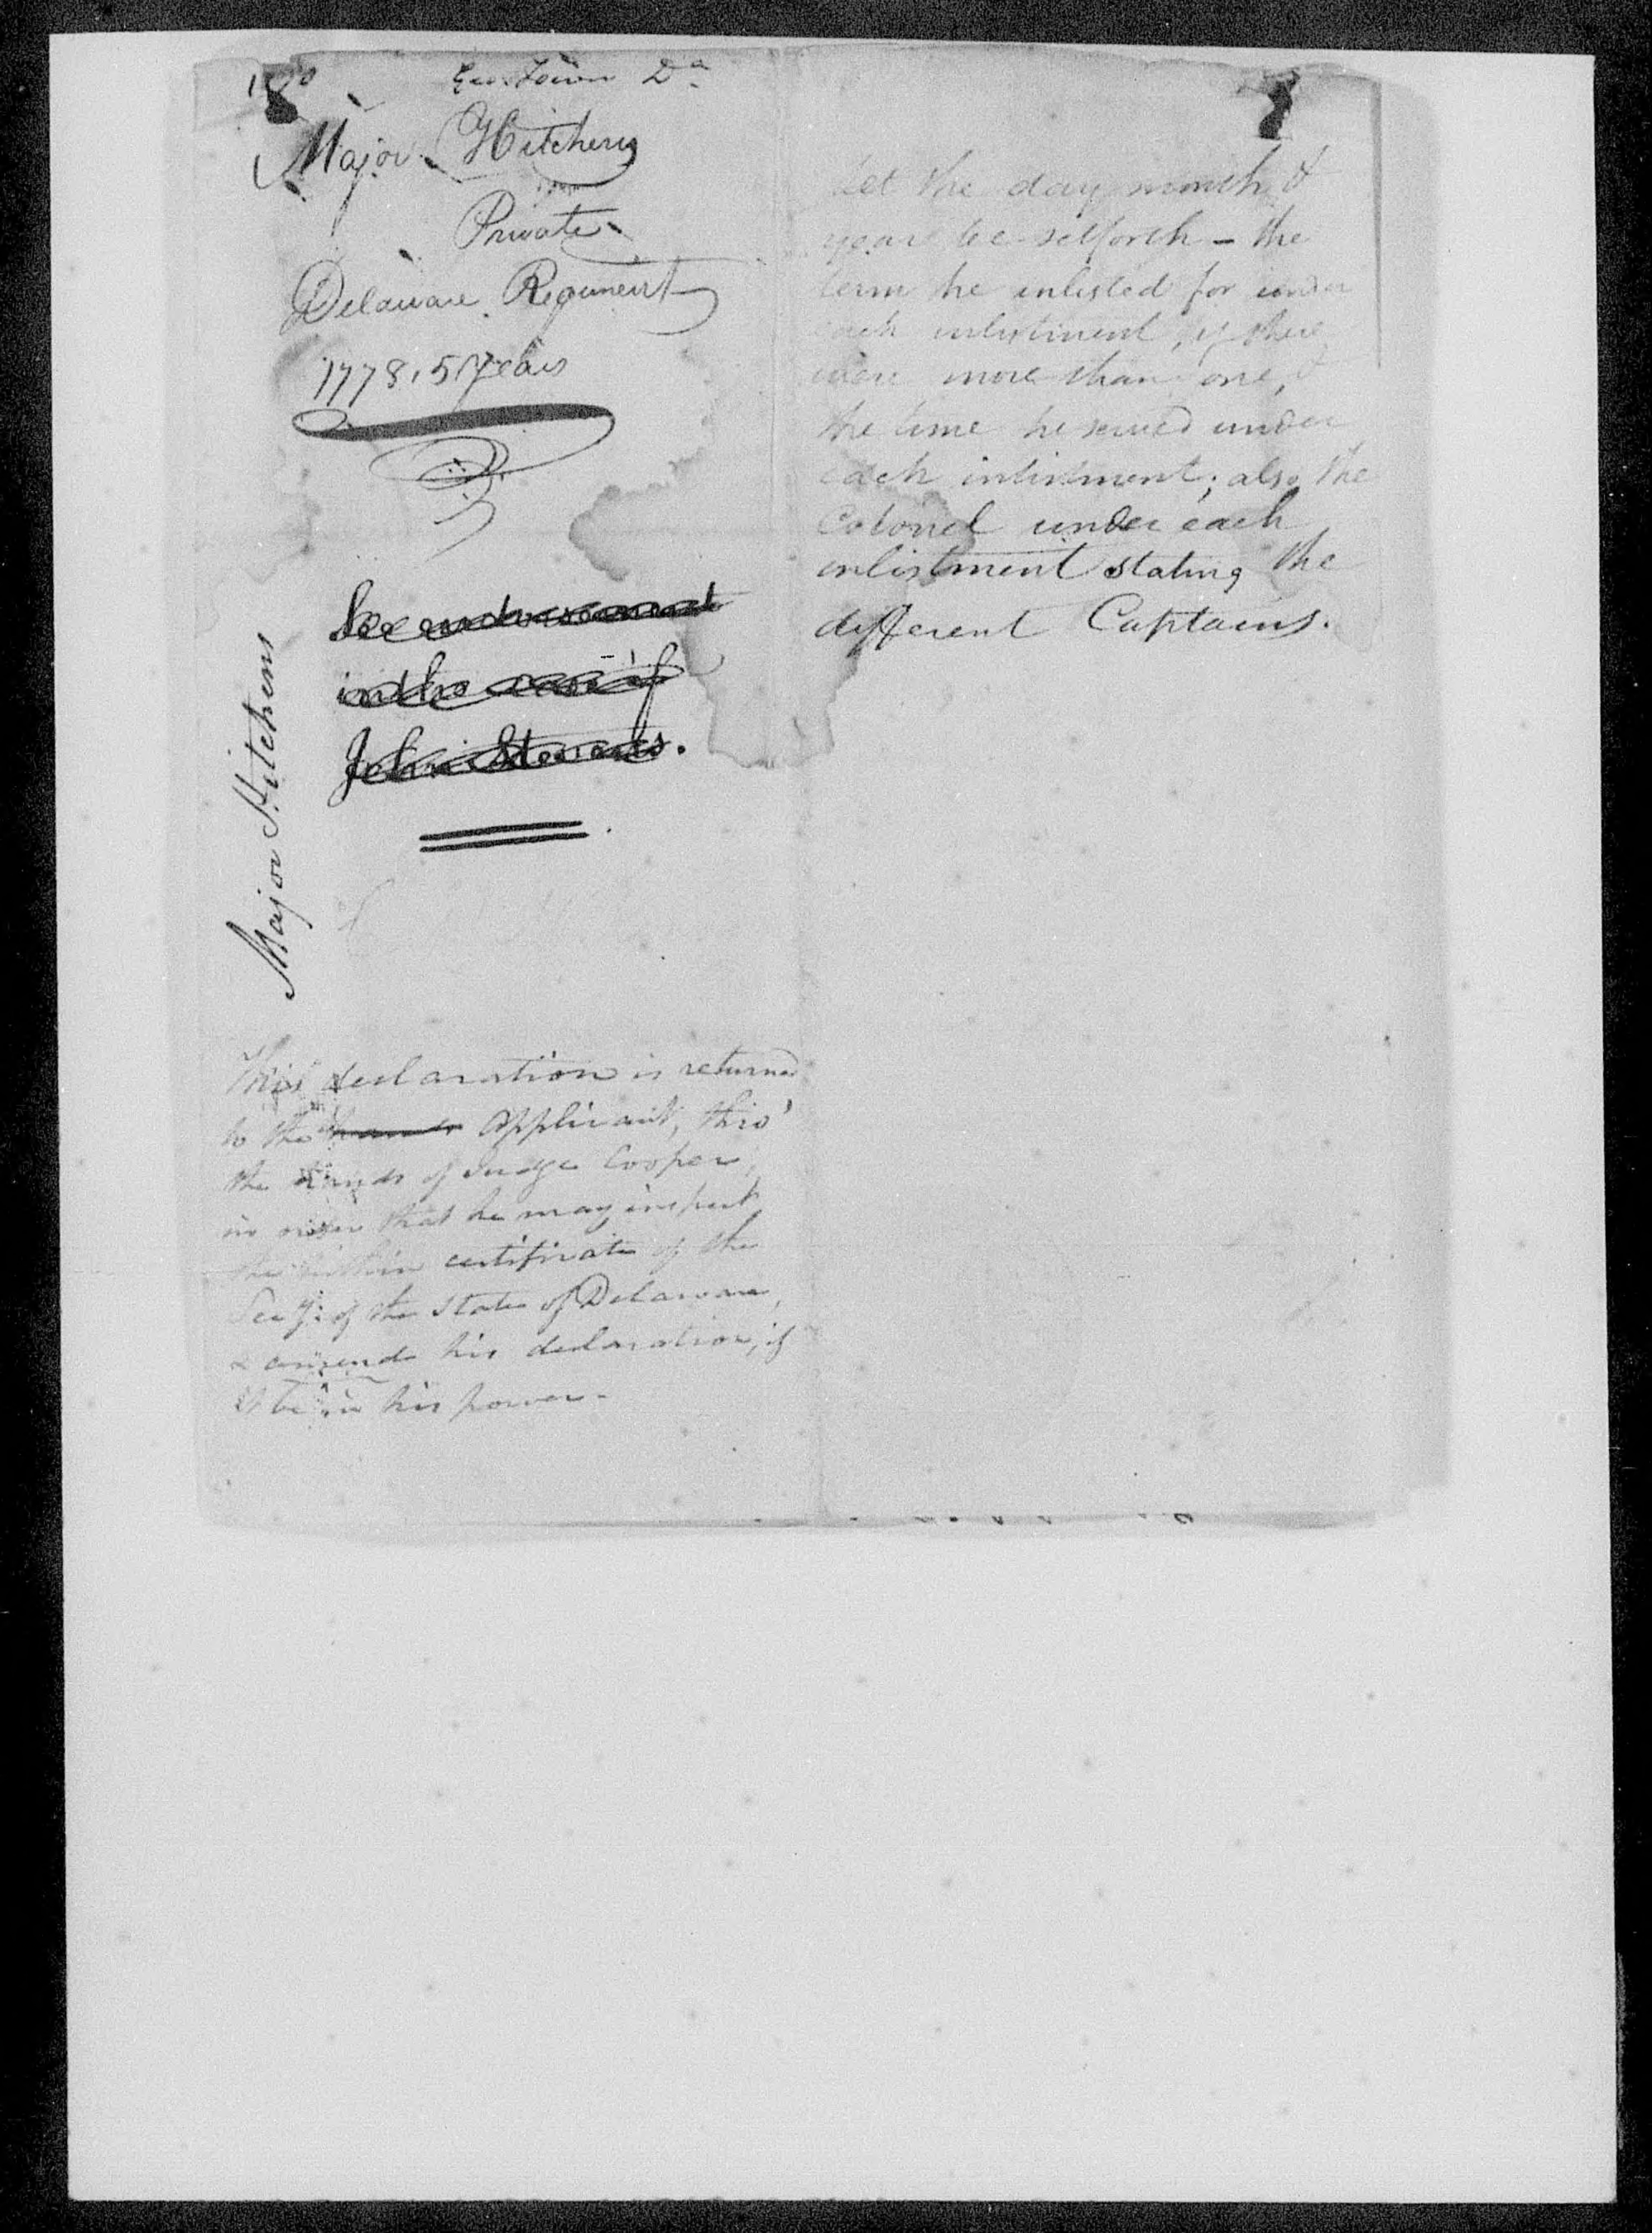[Along the left edge "Major Hitchens" is written]

[Left side of paper]

[illegible]
Major Hitchery
Private
Delaware Regiment
1778, 5 years
[a flourish is here]
[3 lines are scribbled out here]
This declaration is returned
to the applicant, this
the hands of Judge Cooper
in [illegible] that he may inspect
the within certificate of the
[illegible] of the State of Delaware,
[illegible] amend his declaration, if
it be in his power.

[Right side of paper below]

Let the day, month &
year be setforth _ the
term he enlisted for under
each enlistinent, if there
were more than one, &
the time he served under
each inlistment; also the
Colonel under each
enlistment stating the
different Captains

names: Major Hitchens, Jehn Stevens, Major Hitchens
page: 3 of 21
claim: survivor's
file: S. 36017, Major Hitchens, Del.